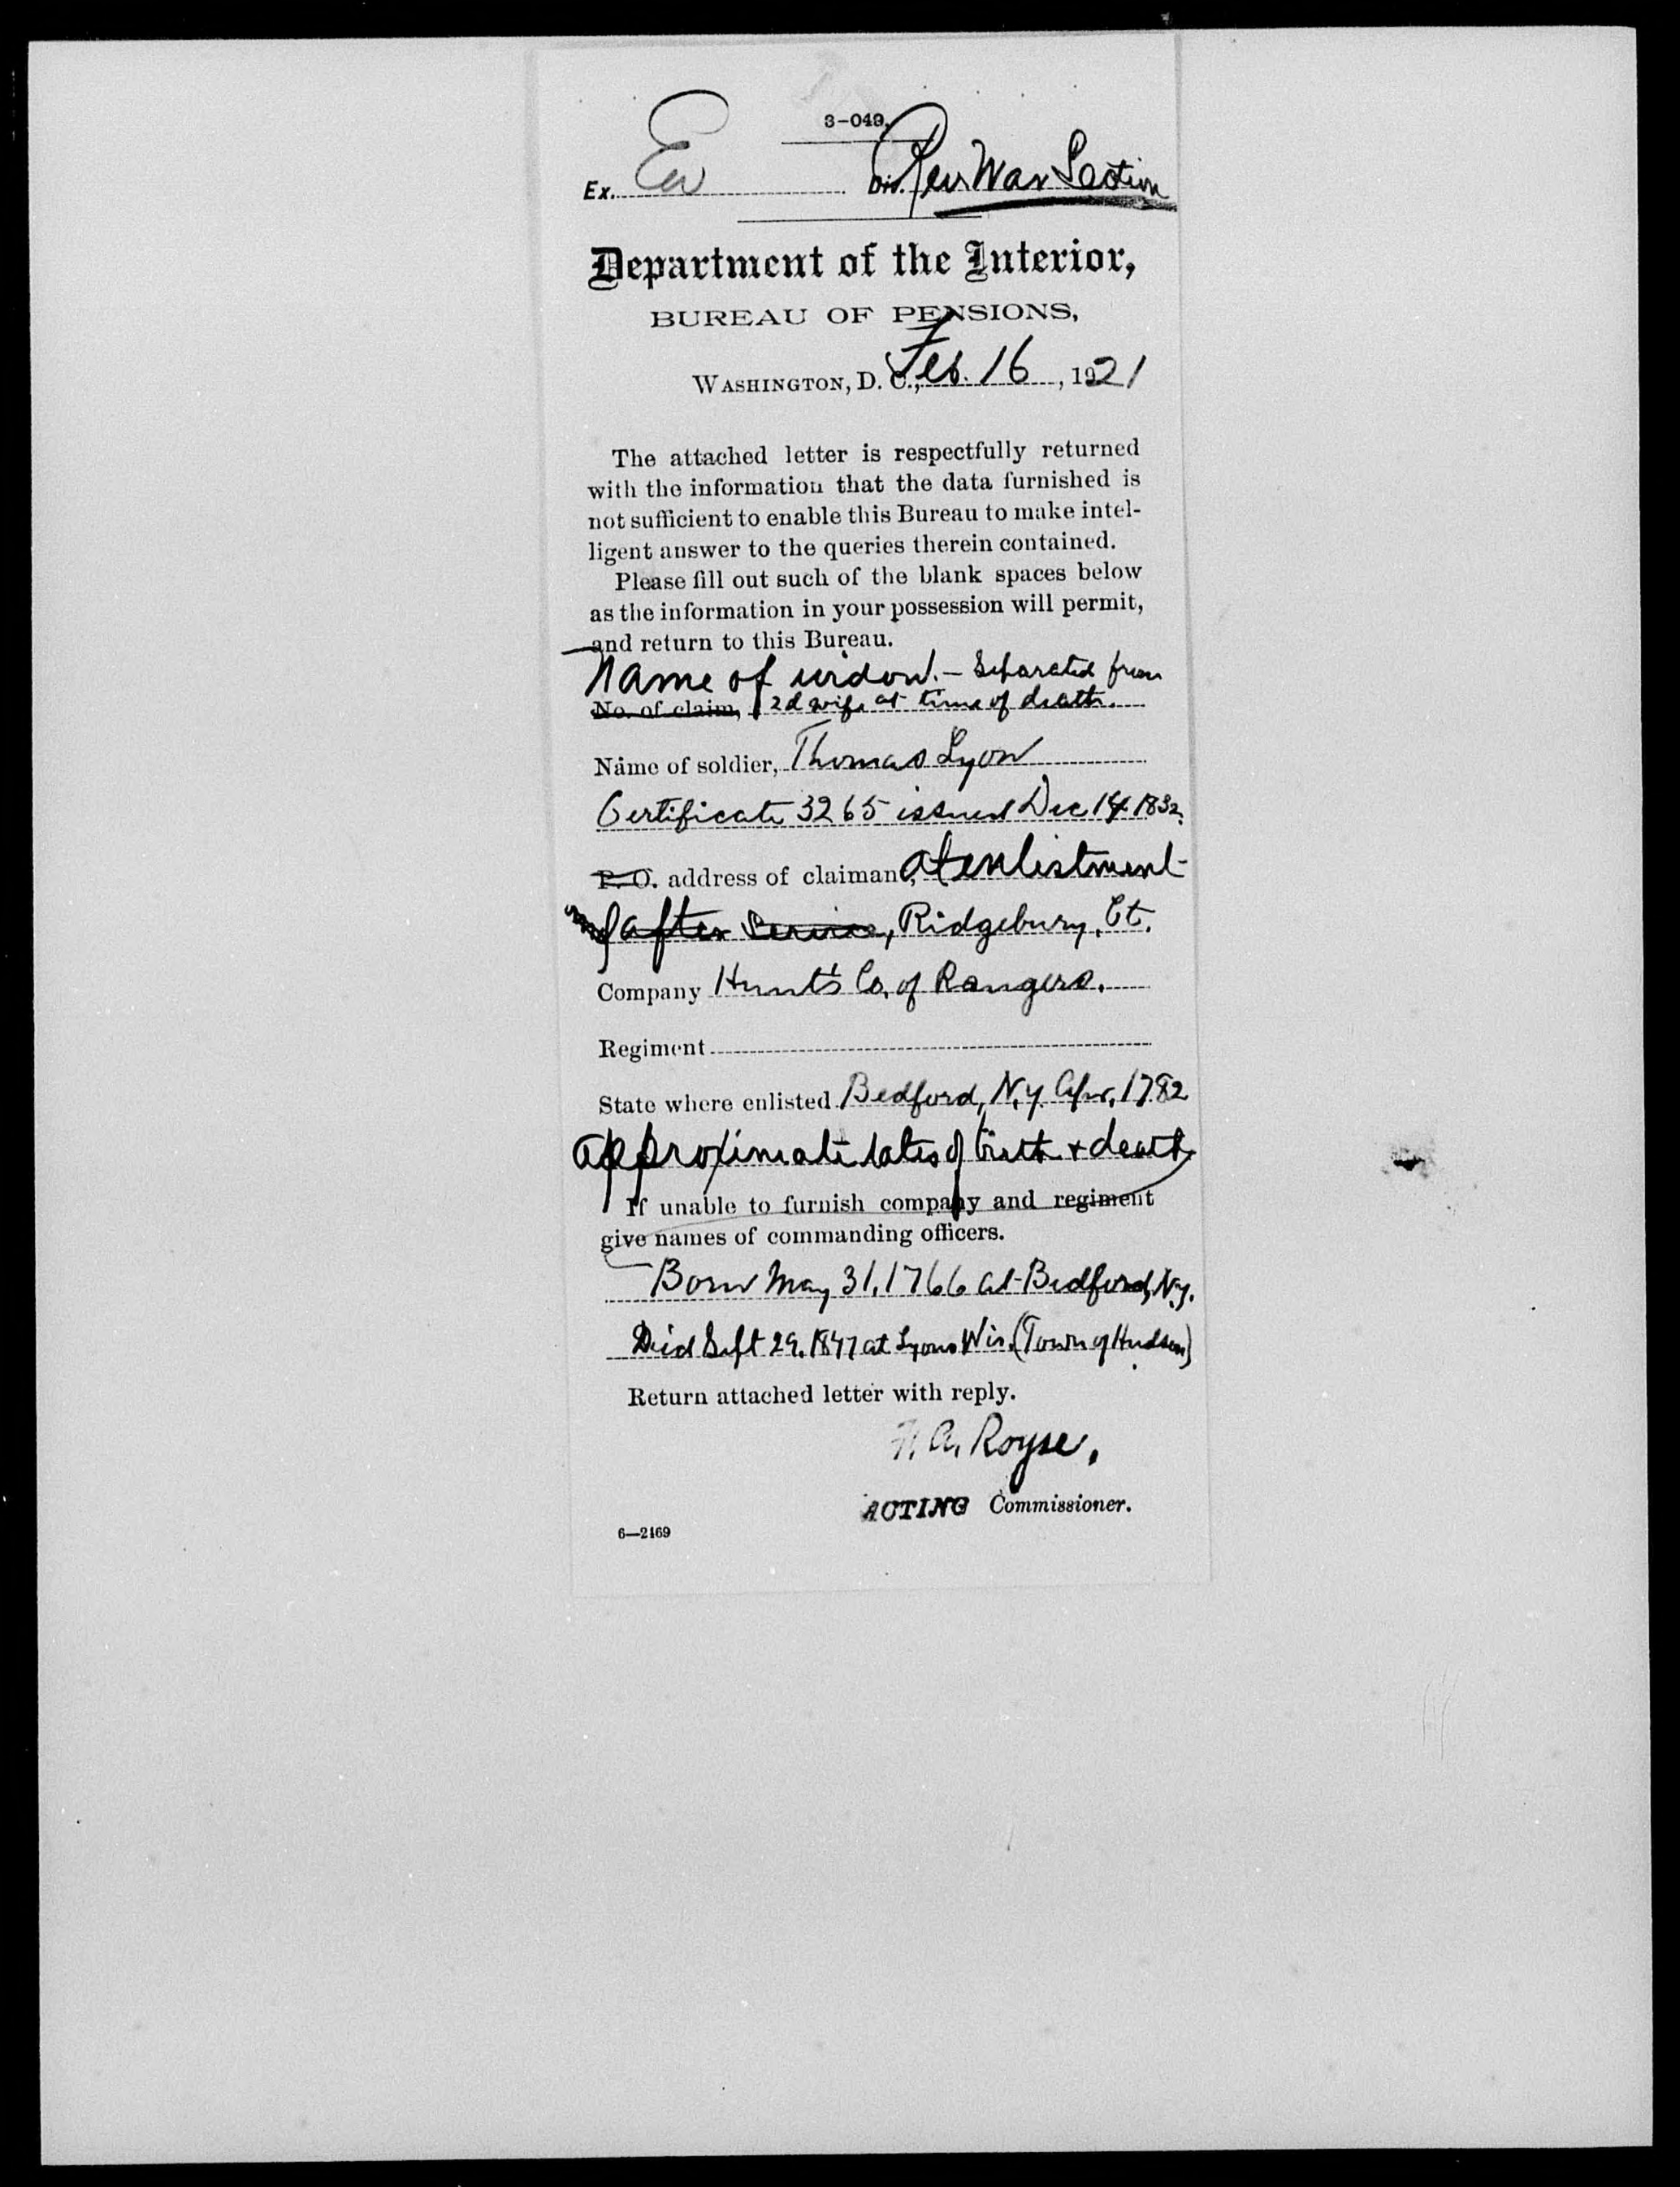3-049
---
Ex. Ew Div. Rev War Section
---
Department of the Interior,
BUREAU OF PENSIONS,
WASHINGTON, D. C. Feb. 16, 1921
The attached letter is respectfully returned with the information that the data furnished is not sufficient to enable this Bureau to make intelligent answer to the queries therein contained.
Please fill out such of the blank spaces below as the information in your possession will permit, and return to this Bureau.
Name of widow. - separated from
2d wife at time of death.
Name of soldier, Thomas Lyon
Certificate 3265 issued Dec 14 1832.
address of claimant at enlistment Ridgebury, Ct.
Company Hunt's Co. of Rangers,
Regiment. ___
State where enlisted Bedford, N.Y. Apr. 1782
approximate dates of birth & death
Born May 31, 1766 at Bedford, N.Y.
Died Sept 29, 1847 ar Lyons Wis. (Town of Hudson)
If unable to furnish company and regiment
give names of commanding officers.
Return attached letter with reply.
F. A. Royse
ACTING Commissioner.
6 -- 2169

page: 16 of 28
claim: survivor's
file: S. 21,872, for Thomas Lyon, New York